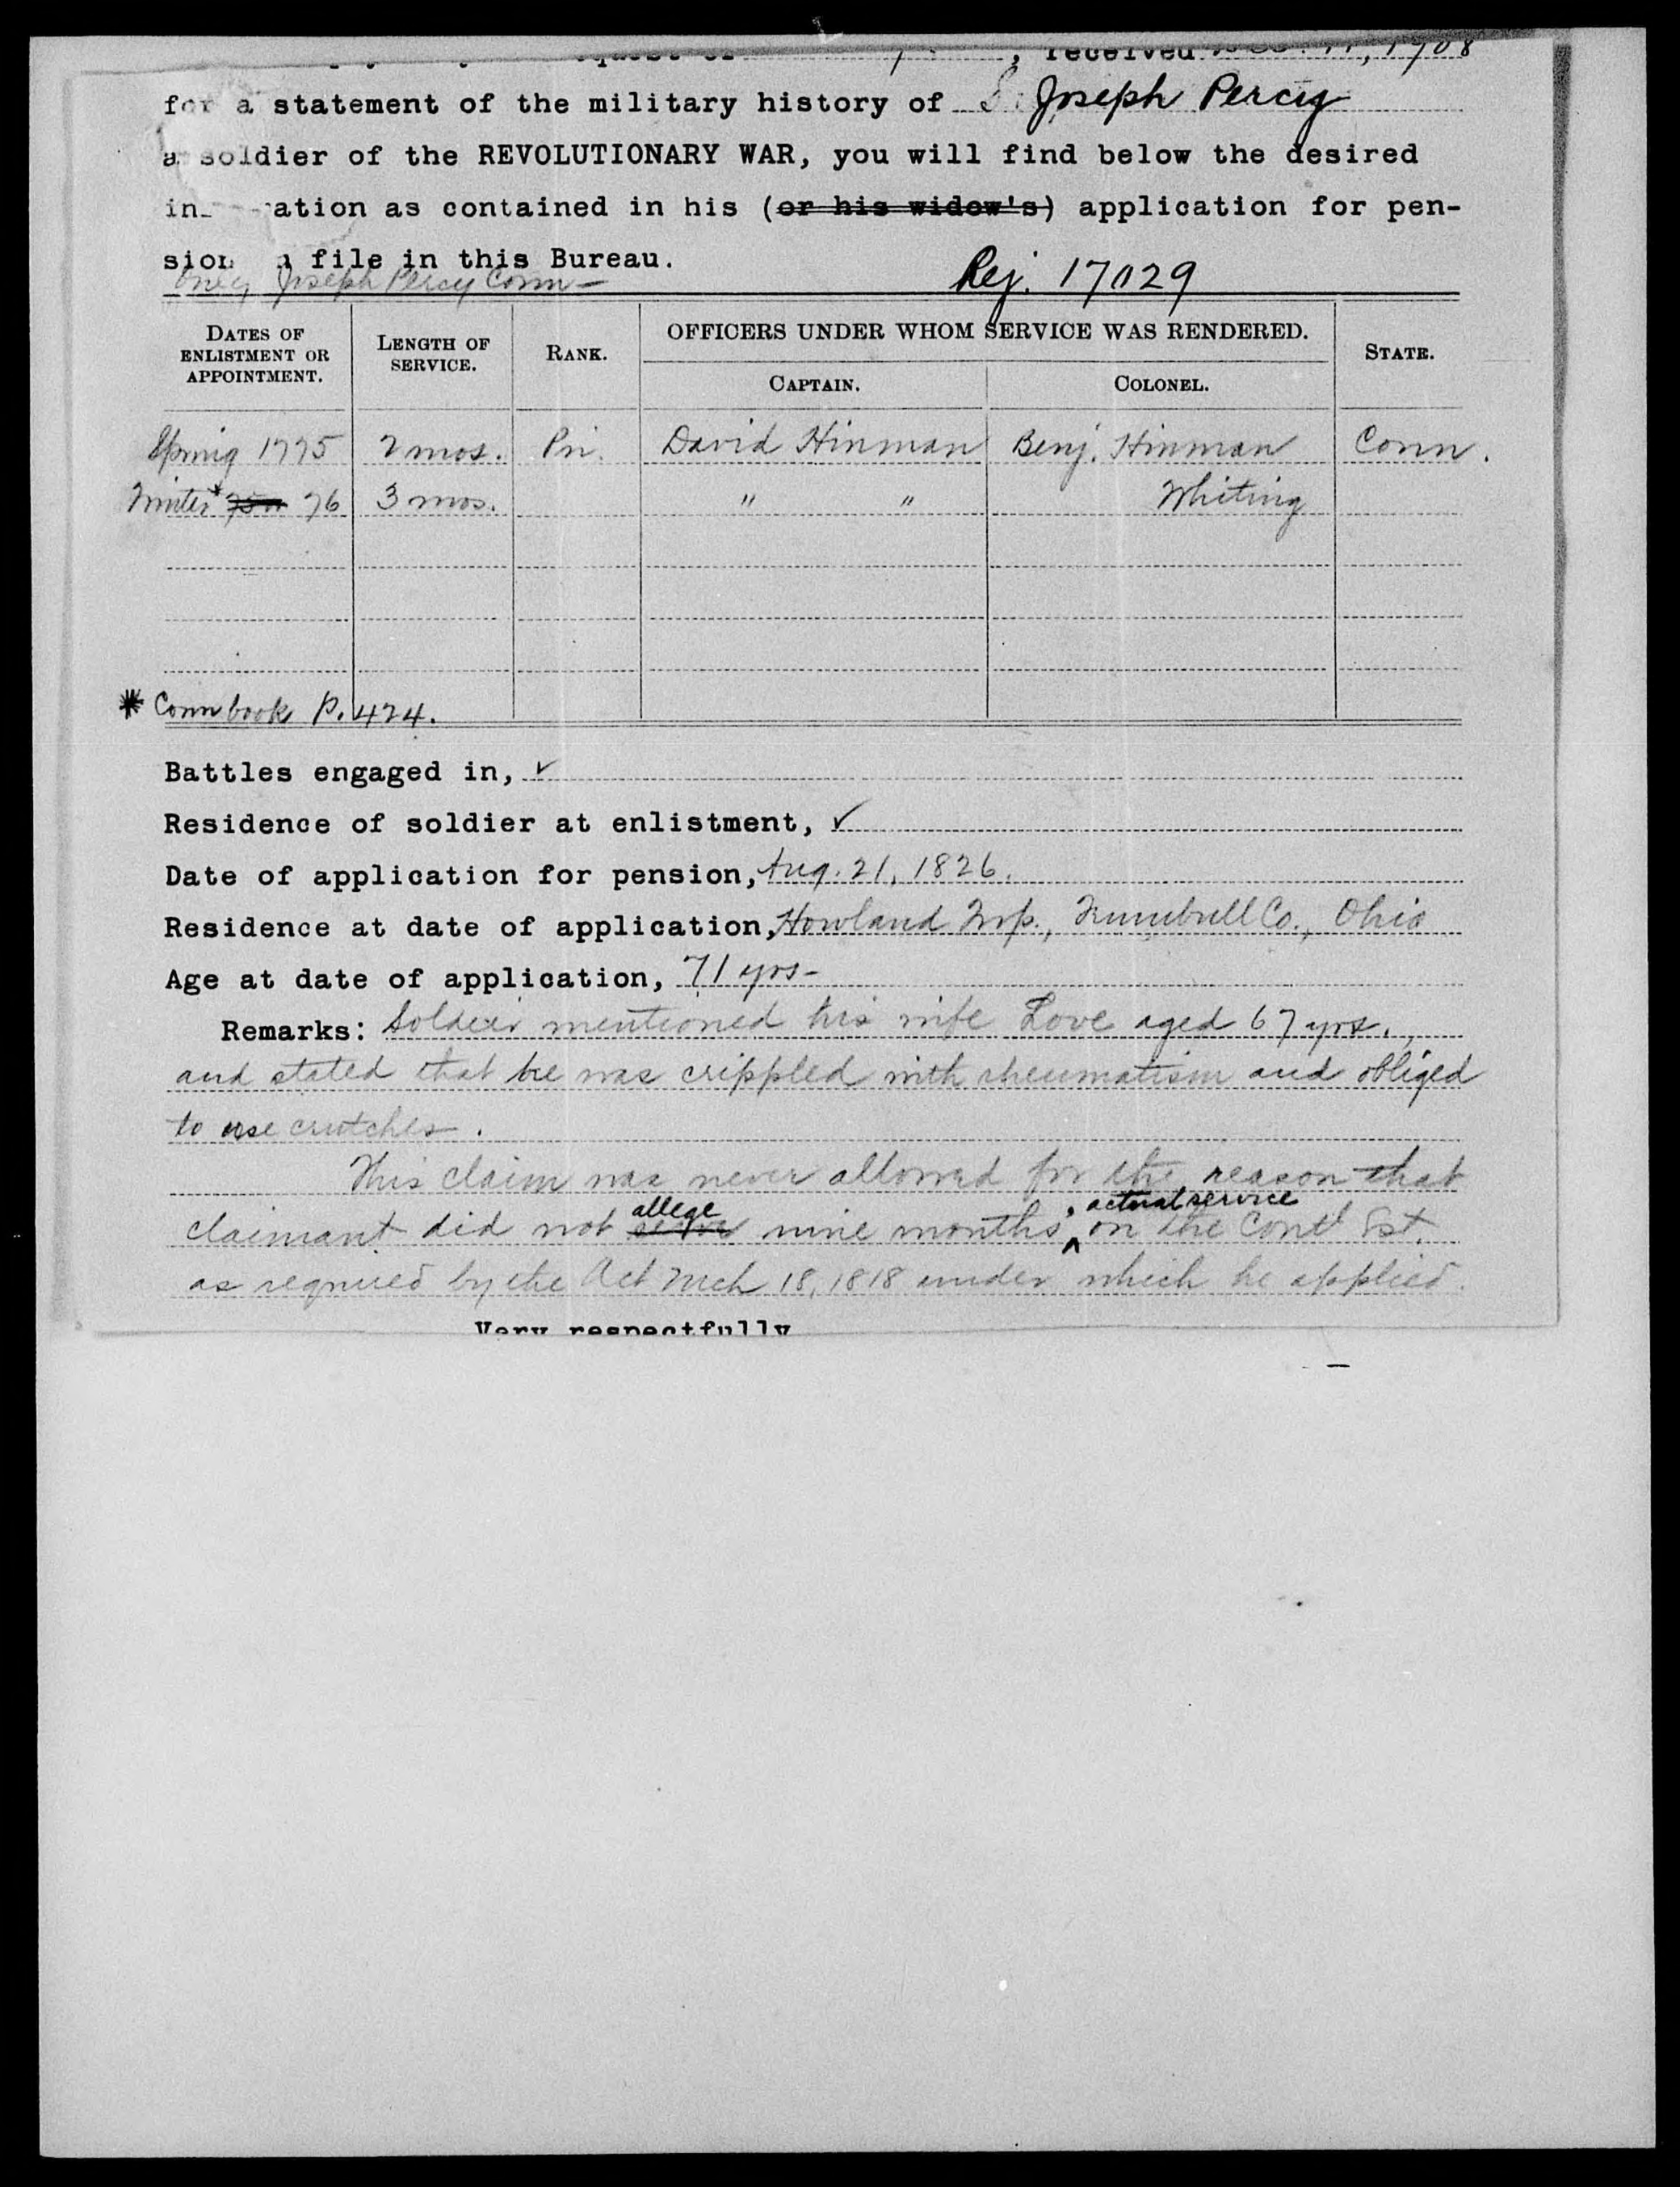(Top of page cut)
received  ???  1908
for a statement of the military history of Joseph Percy a soldier of the REVOLUTIONARY WAR, you will find below the desired information as contained in his (or his widow's) [or his widow crossed out] application for pension on file in this Bureau.
 Only Joseph Percy Conn -           Rej. 17029

Dates of
Enlistment or       Length of
Appointment       Service.              Rank
---------------------------------------------
 Spring 1775          2 mos.               Pri
 Winter     76          3 mos. 

OFFICERS UNDER WHOM SERVICE WAS 
RENDERED
-----------------------------------------------
Captain                  Colonel                State
------------------------------------------------
David Hinman        Benj. Hinman        Conn.
    "         "                        Whiting

*Conn book P. 424.

Battles engaged, ____________
Residence of soldier at enlistment _____
Date of application for pension,  Aug. 21, 1826
Residence at date of application, Howland Twp., Trumbull Co., Ohio
Age at date of application, 71 yrs -
   Remarks:  Soldier mentioned his wife Love aged 67 yrs. and stated that he was crippled with rheumatism and obliged to use crutches.
     This claim was never allowed for the reason that claimant did not allege nine months ^actual service^ on the Cont'l Est. as required by the Act Mch 18, 1818 under which he applied.
  Very Respectfully (page cut off)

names: [BLANK] Whiting; Benj Hinman; Joseph Percy; David Hinman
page: 18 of 20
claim: rejected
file: R. 17029, for Joseph Percy, Connecticut